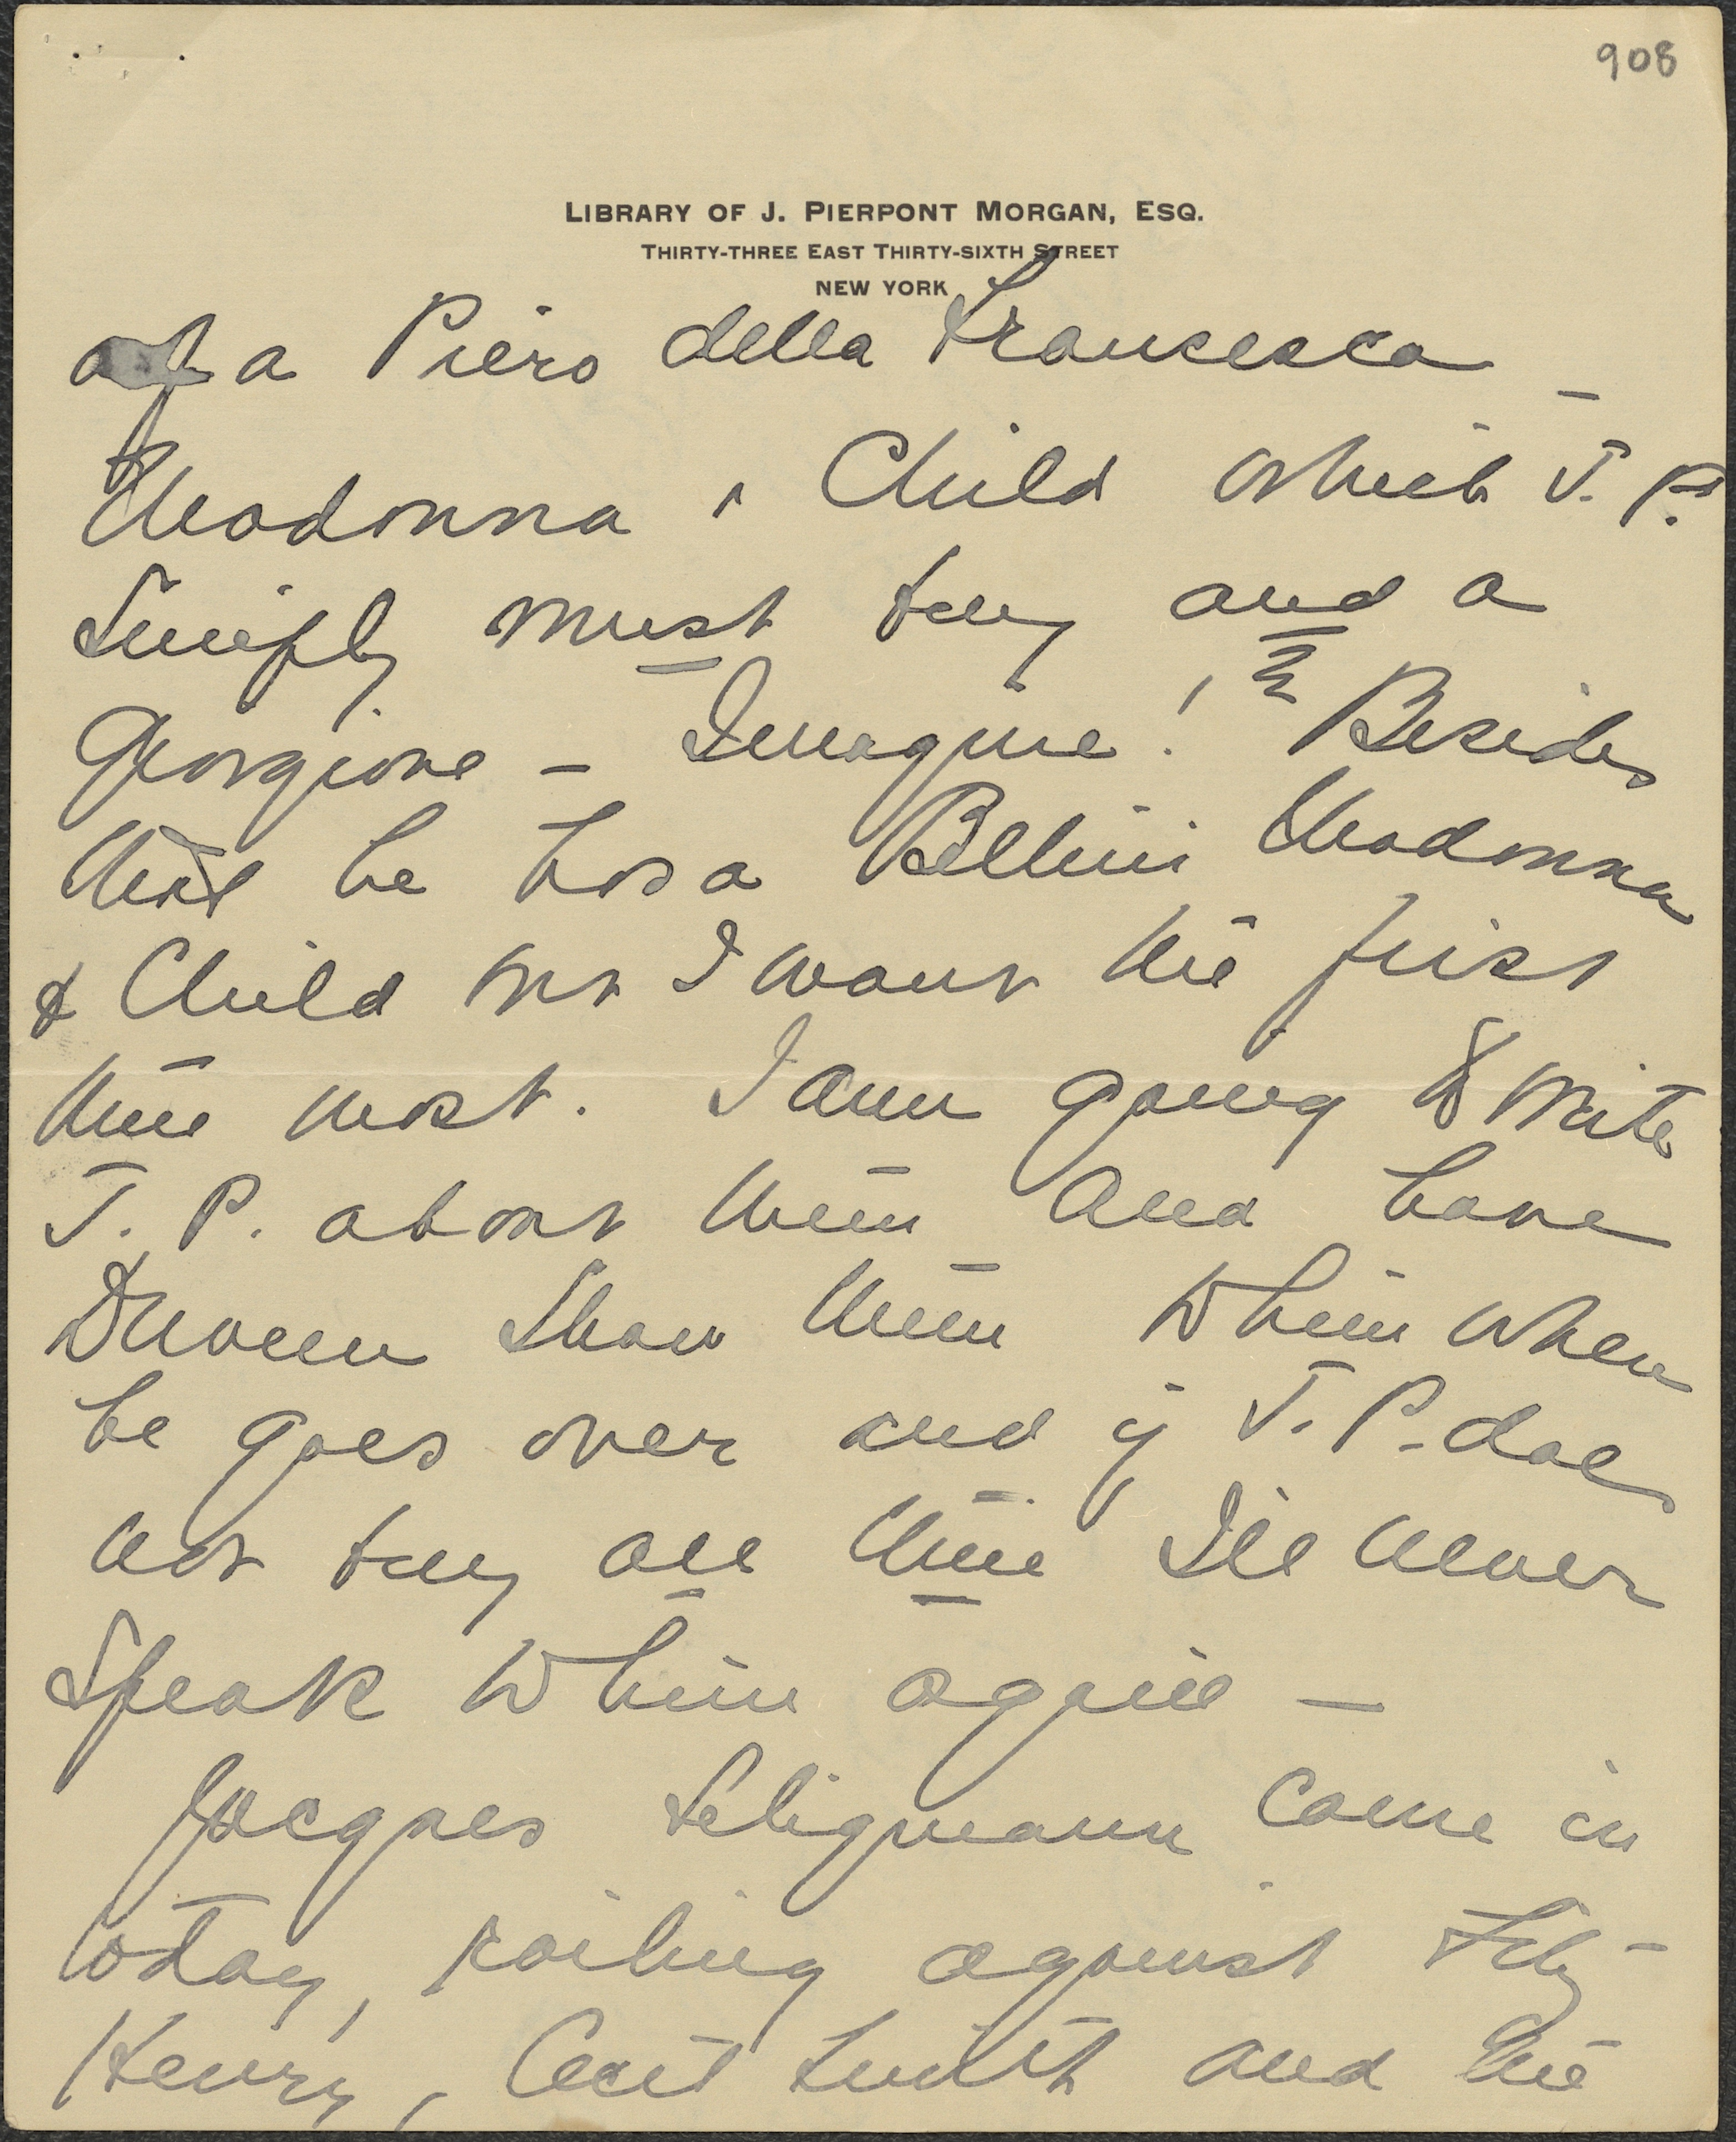of a Piero della Francesca Madonna & Child which J.P. simply must buy [quadruple underlined: and] a Giorgione – Imagine! Besides that he has a Bellini Madonna & Child but I want the first three most. I am going to write J.P. about them and have Duveen show them to him when he goes over and if J.P. does not buy all three I’ll never speak to him again –
Jacques Seligmann came in today, railing against Fitz Henry [sic], Cecil Smith and the